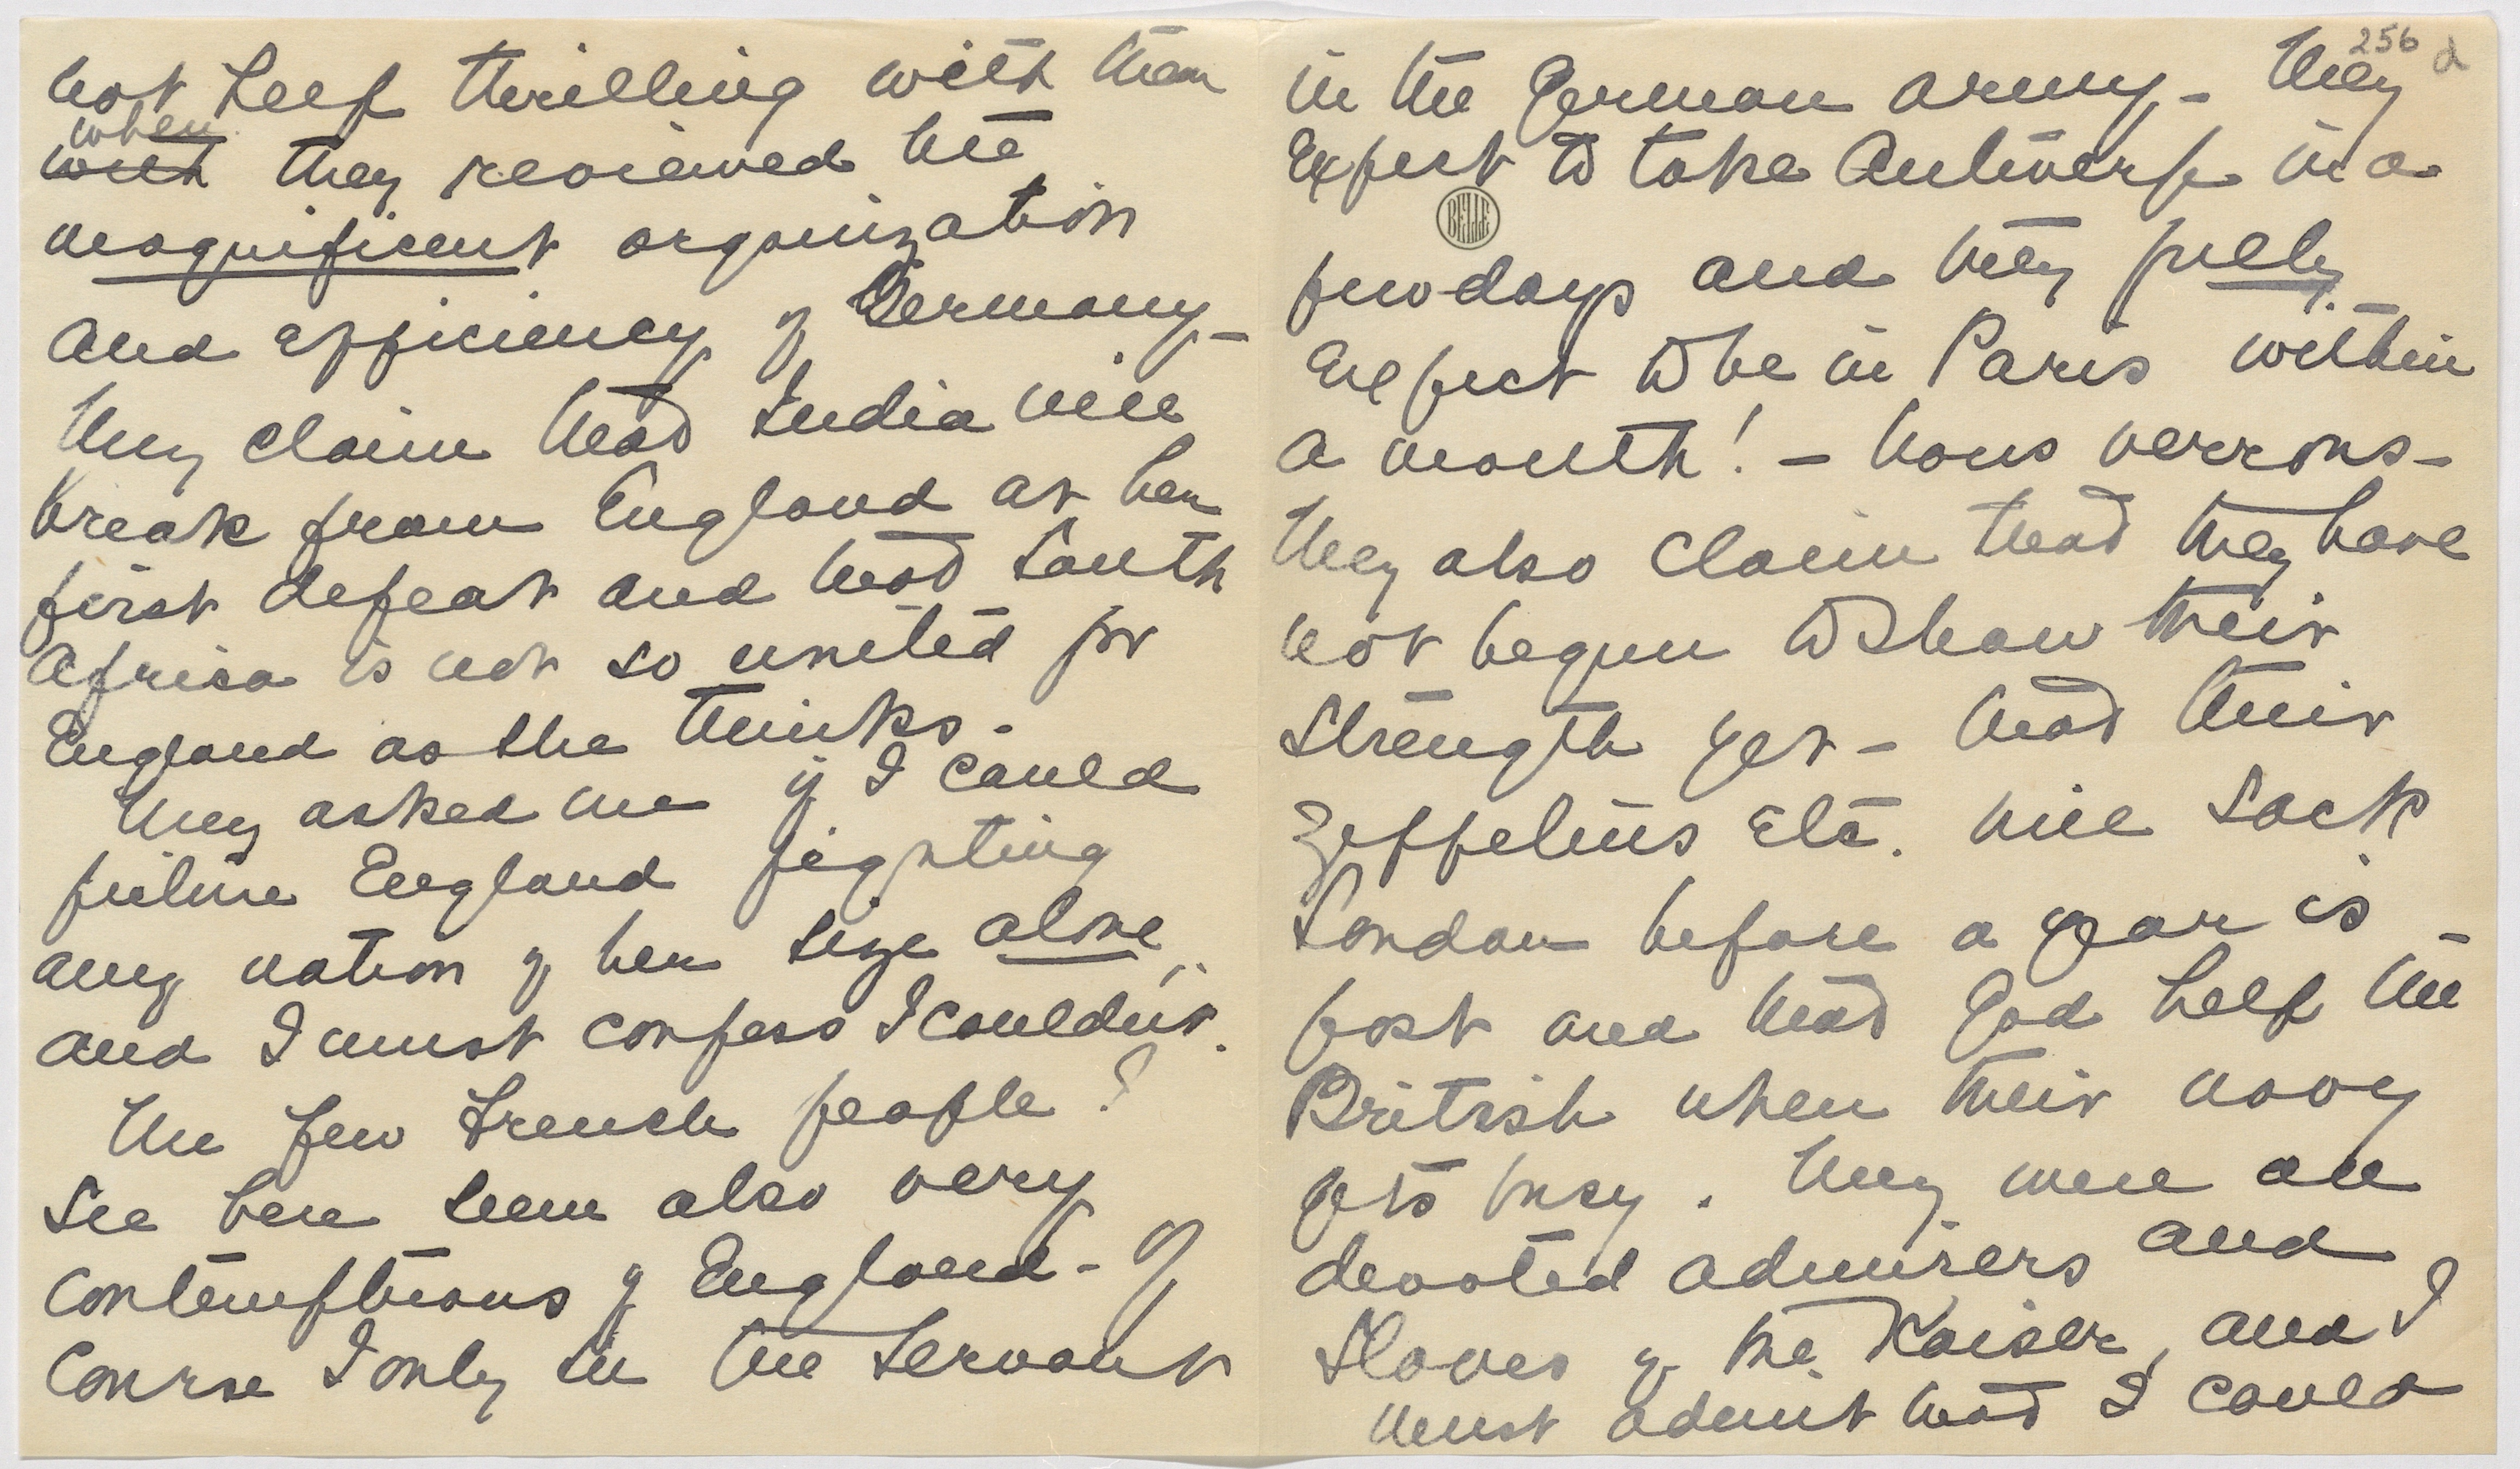in the German army – they expect to take Antwerp in a few days and they fully expect to be in Paris within a month! – nous verrons – They also claim that they have not begun to show their strength yet – that their Zeppelins etc. will sack London before a year is past and that God help the British when their navy gets busy. They were all devoted admirers and slaves of the Kaiser, and I must admit that I could
not help thrilling with them with when they reviewed the magnificent organization and efficiency of Germany – They claim that India will break from England at her first defeat and that South Africa is not so united for England as she thinks –
They asked me if I could picture England fighting any nation of her size alone, and I must confess I couldn’t.
The few French people I see here seem also very contemptuous of England – of course I only see the servant